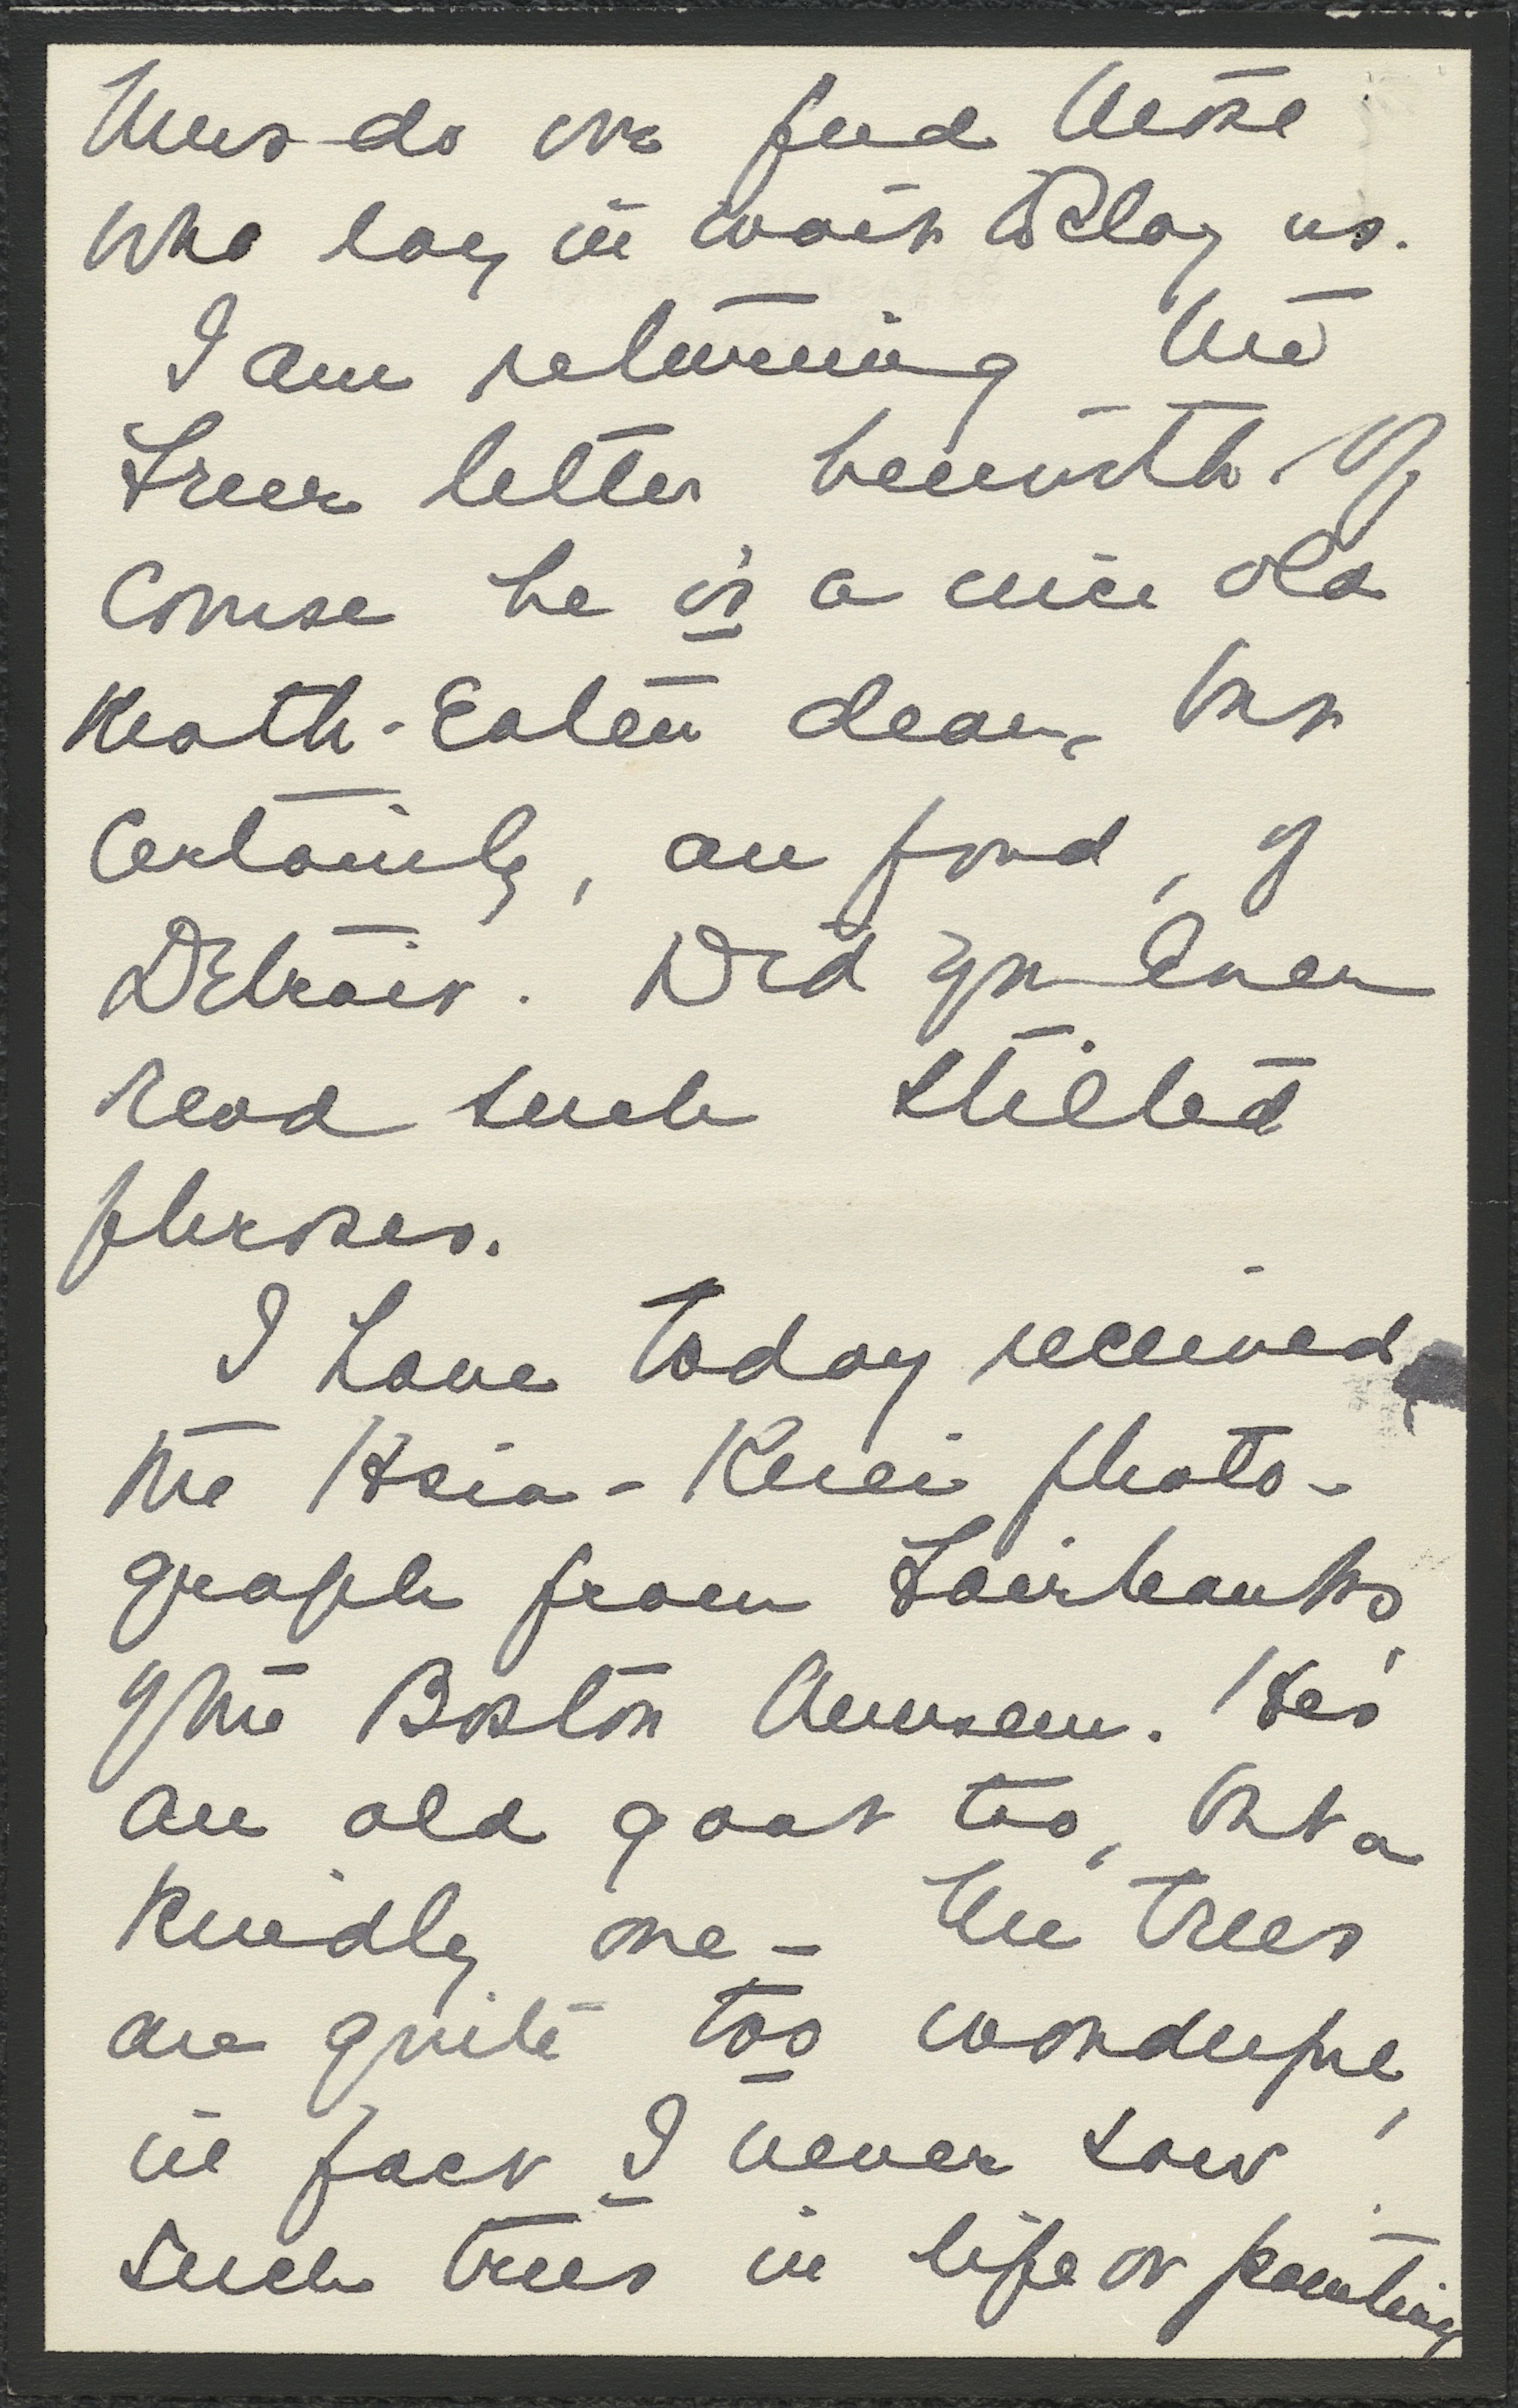Thus do we find those who lay in wait to slay us. I am retrieving the Freer letter herewith. Of course he is a nice old Moth-eaten dear, but certainly, au fond, of Detroit. Did you ever read such stilted phrases. I have today received the Hsia-Kuei photograph from Fairbanks of the Boston Museum. He’s an old goat too, but a kindly one – The trees are quite too wonderful, in fact I never saw such trees in life of painting